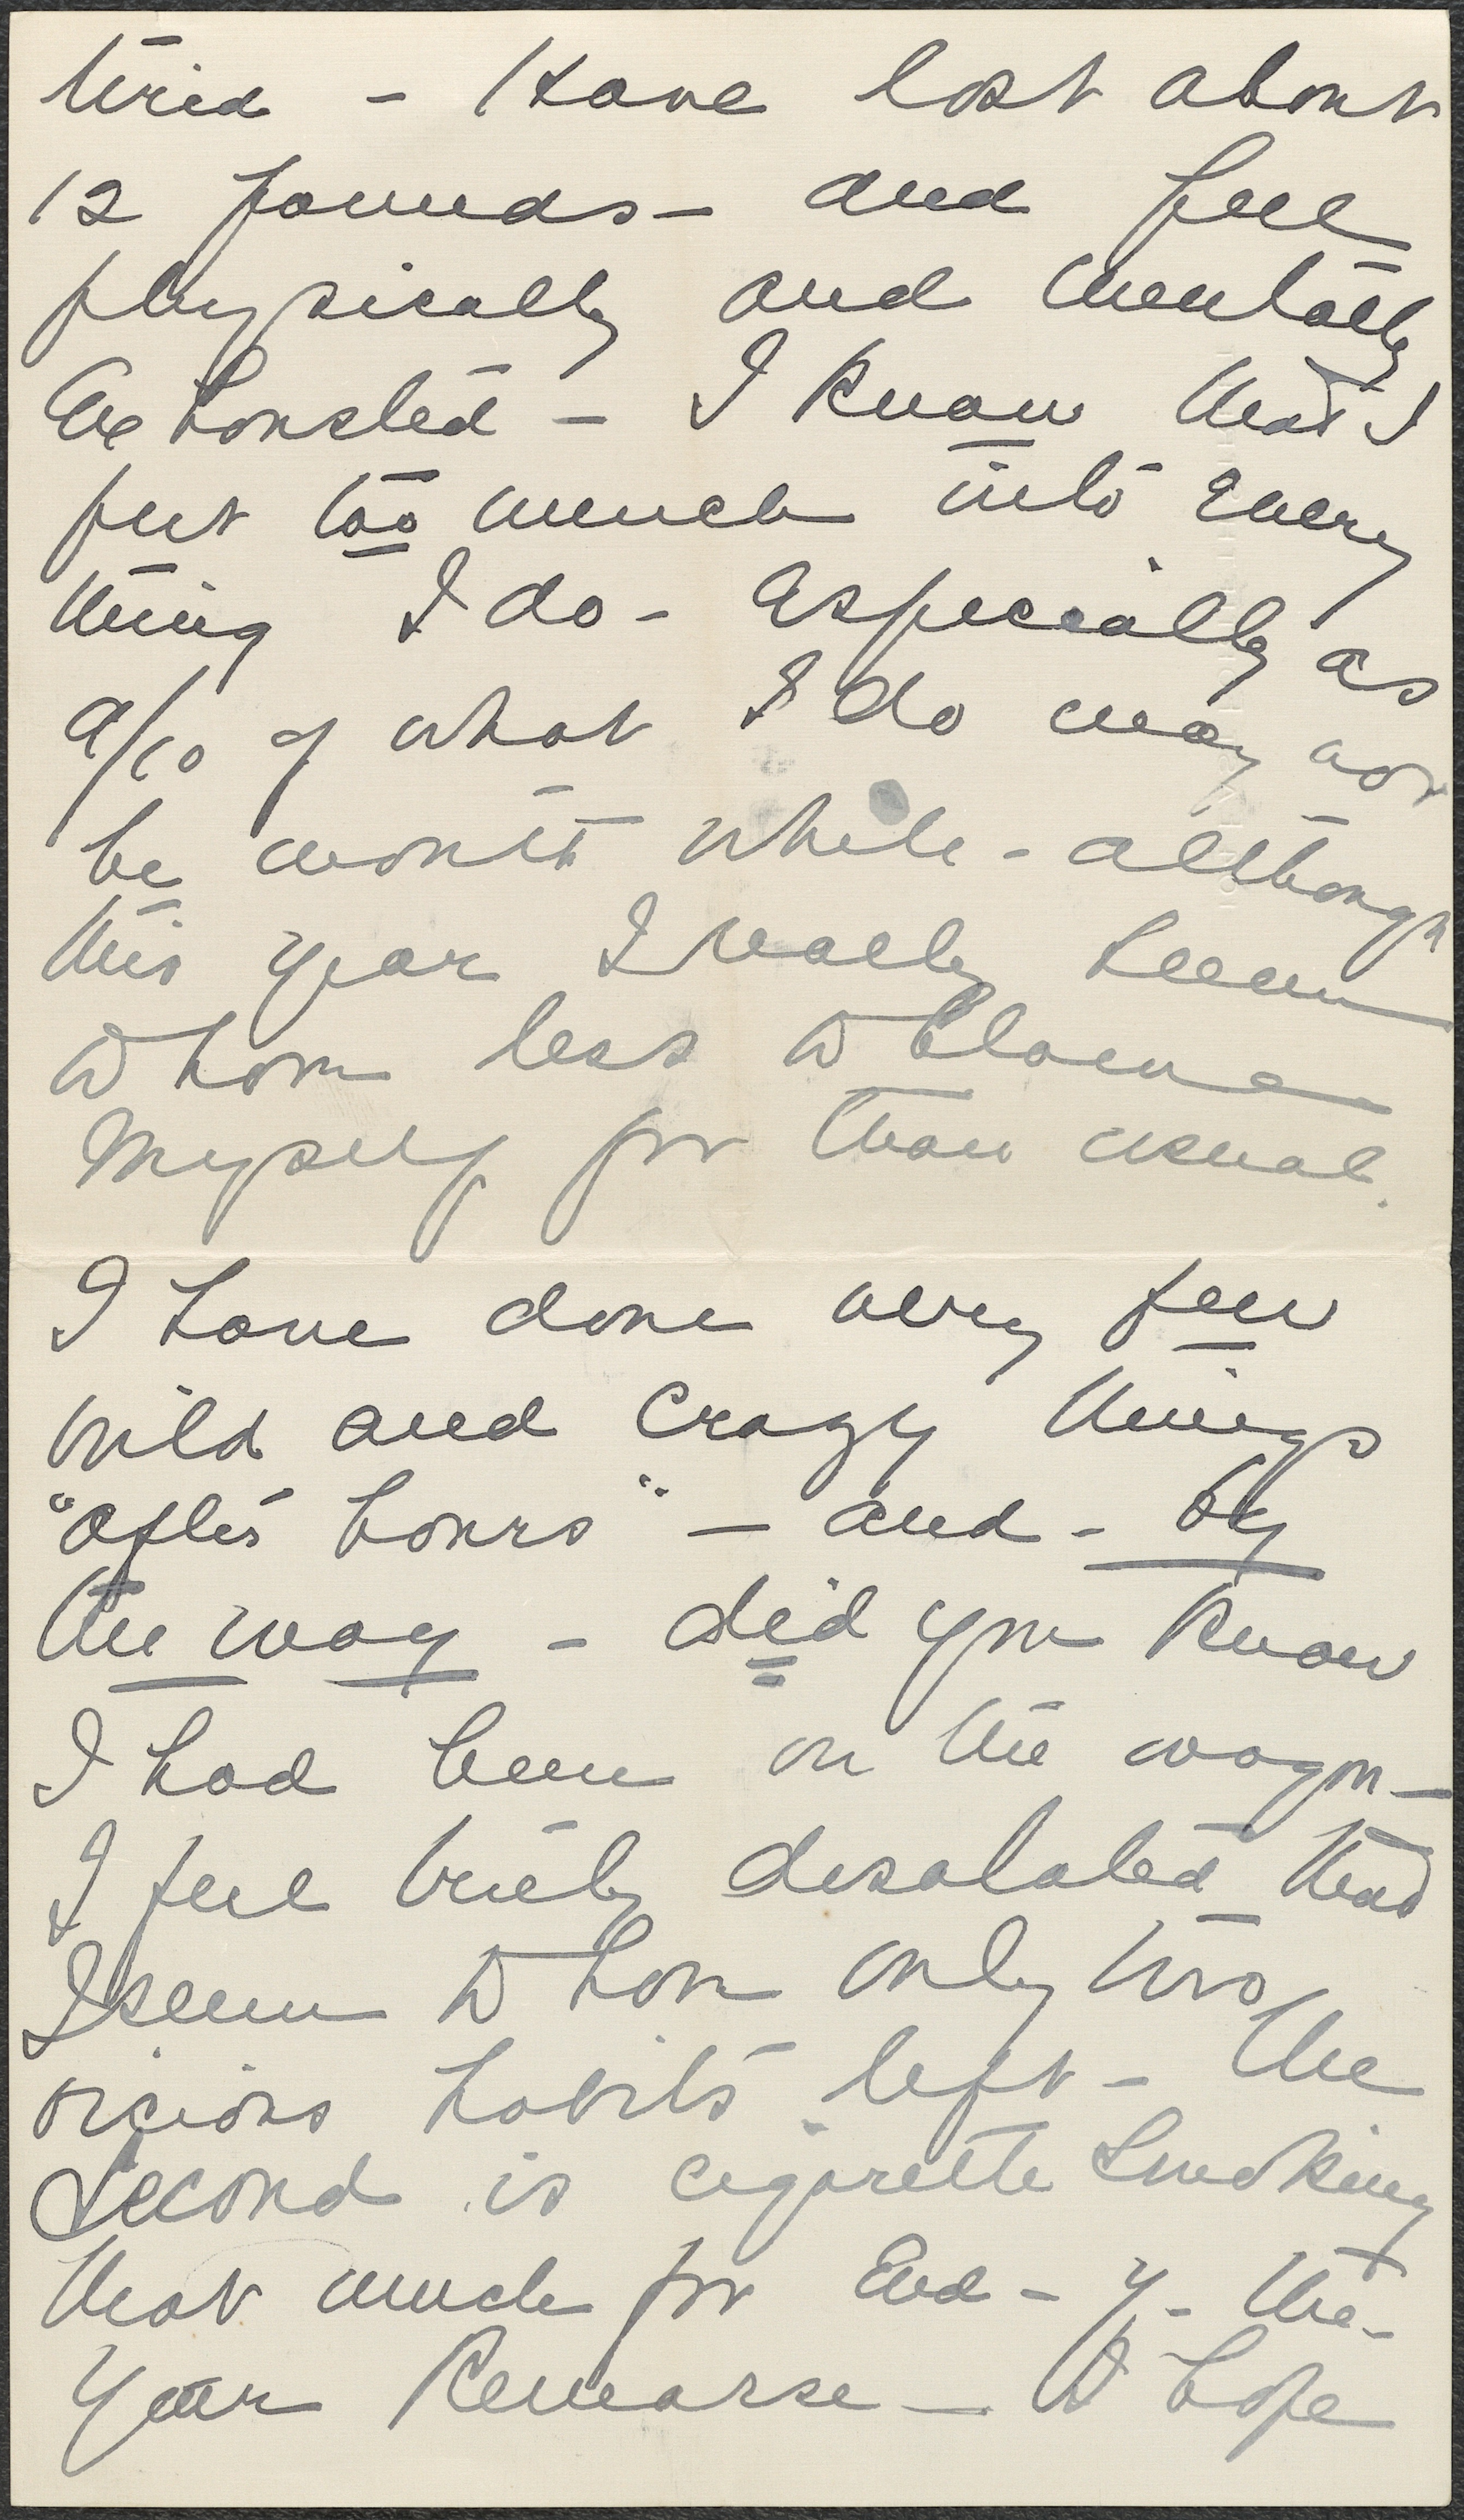tired – Have lost about 12 pounds – and feel physically and mentally exhausted – I know that I put too much into everything I do – especially as 9/10 of what I do may not be worthwhile – although this year I really seem to have less to blame myself for than usual. I have done very few wild and crazy things “after hours” – and – by the way – [double underlined: did] you know I had been on the wagon – I feel truly desolated that I seem to have only two vicious habits left – the second is cigarette smoking that much for end-of-the-year remorse – I hope